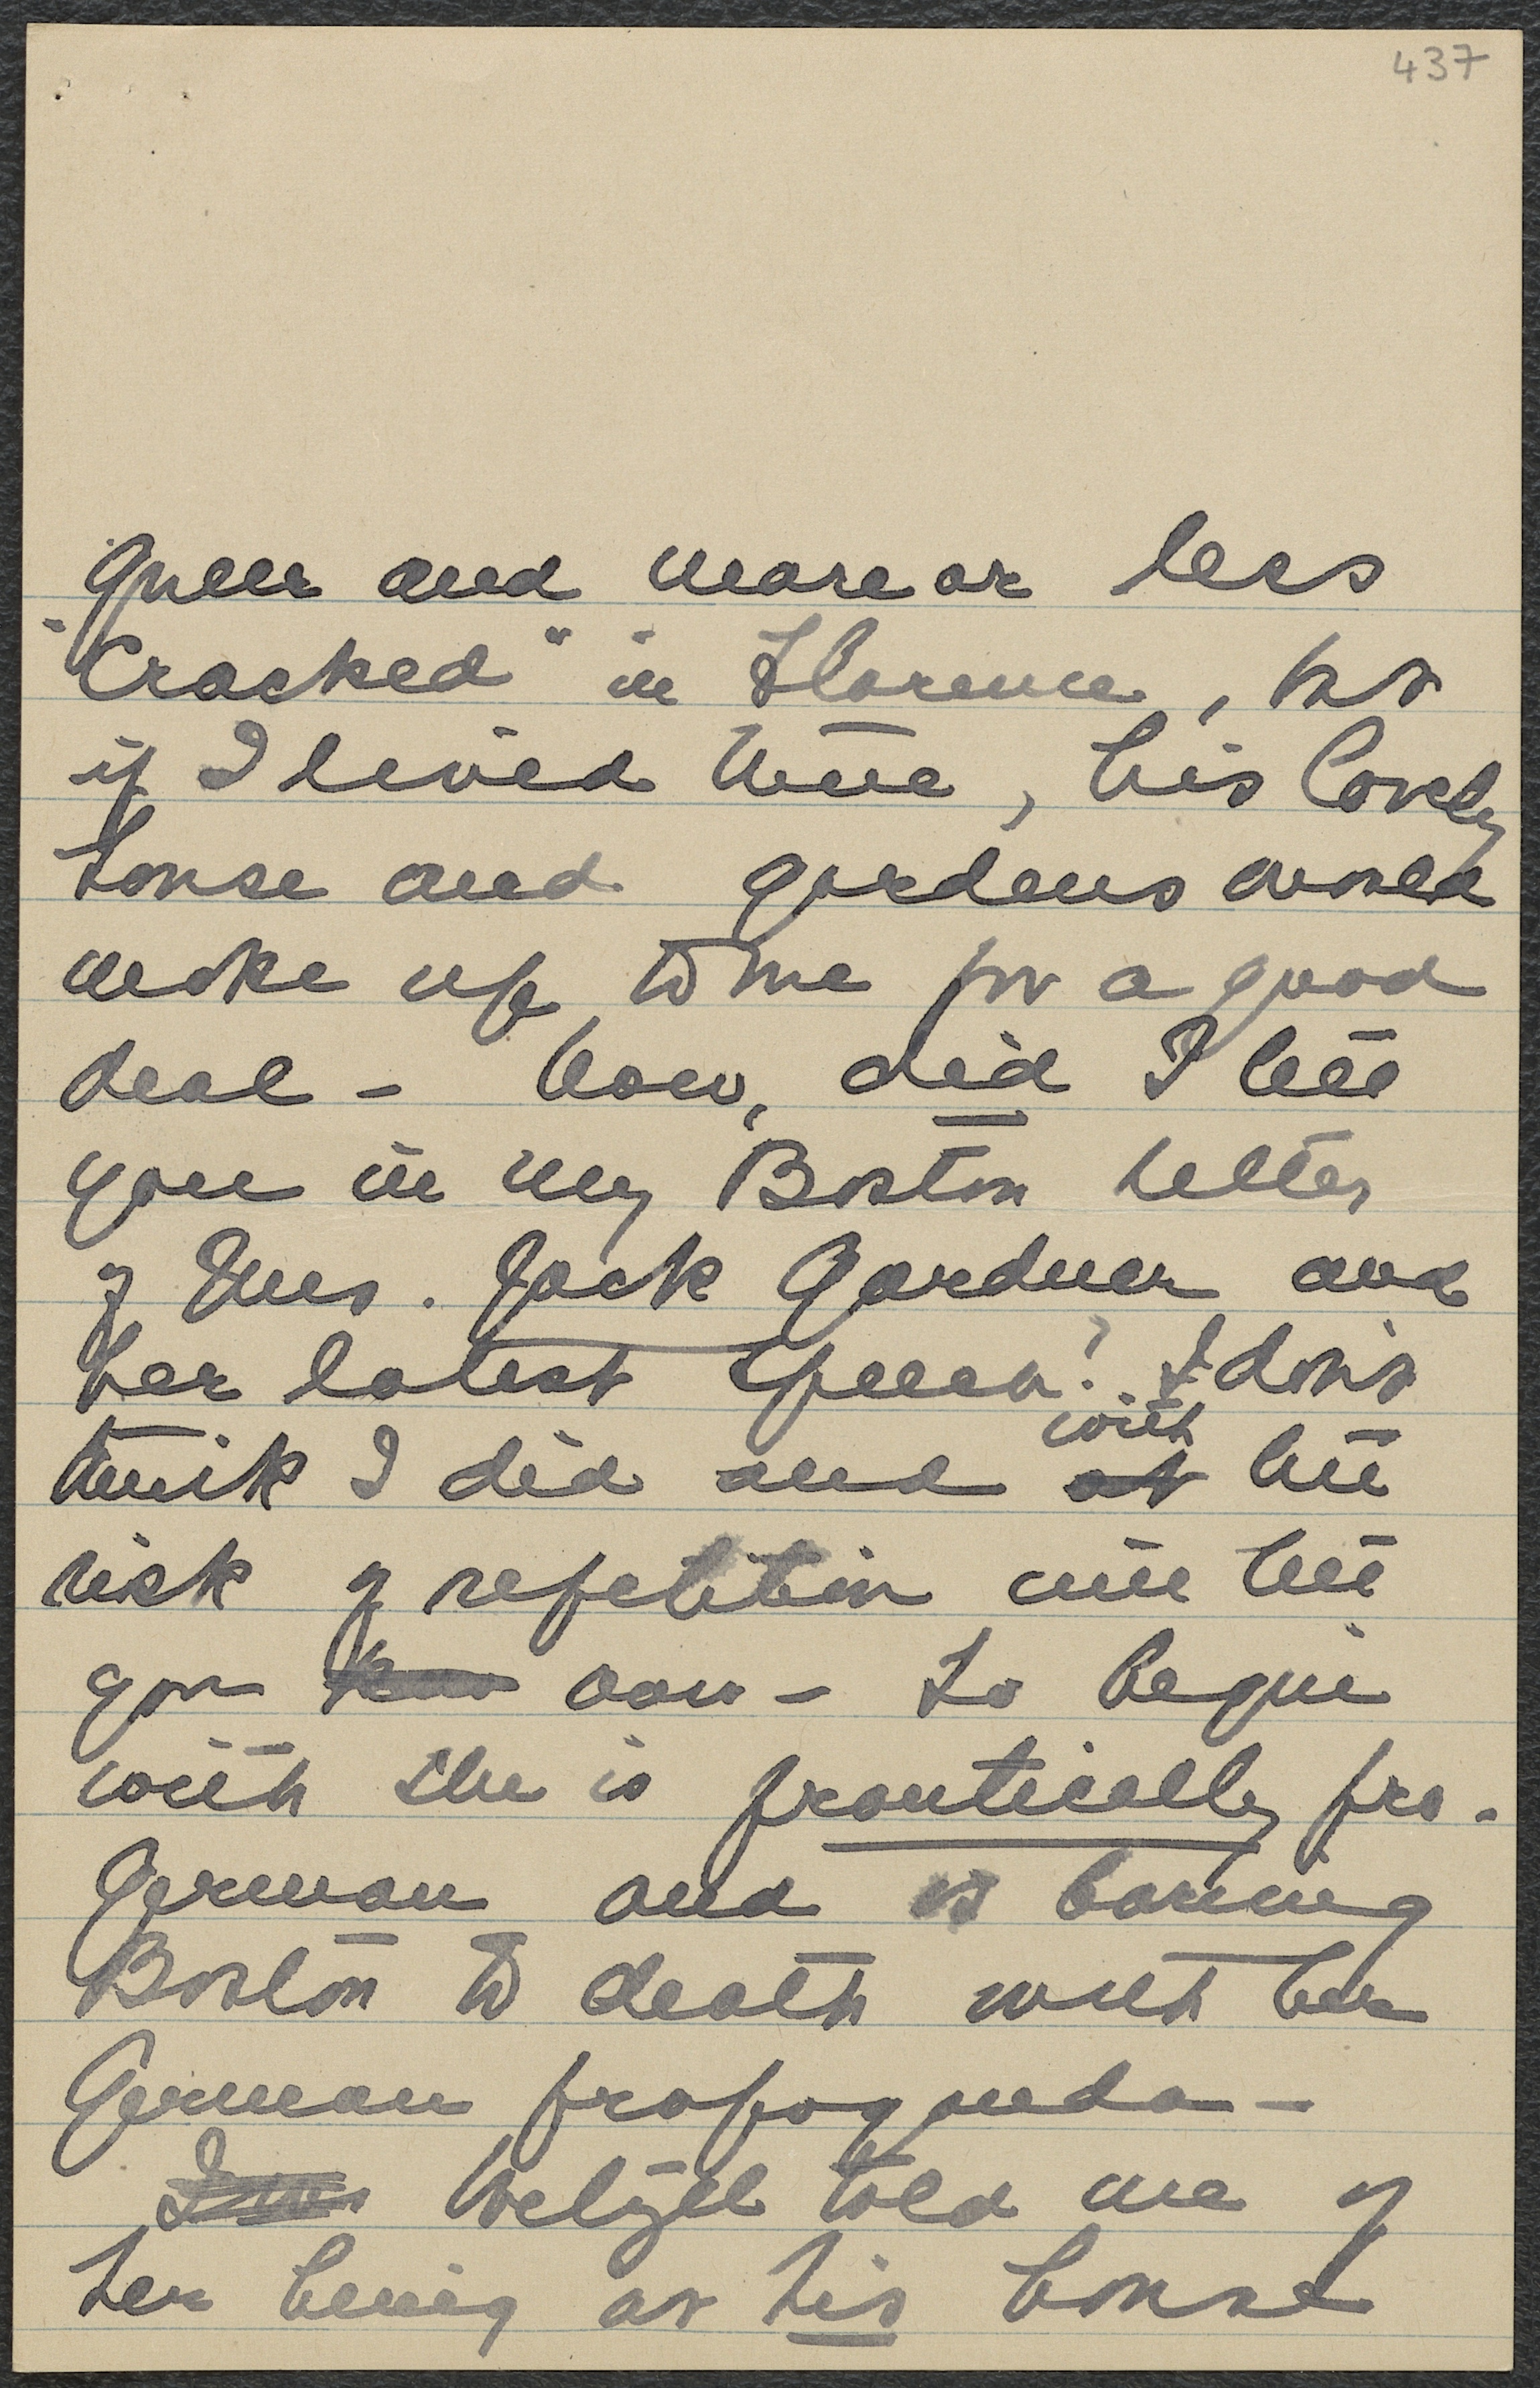queer and more or less “cracked” in Florence, but if I lived there, his lovely house and gardens would make up to me for a good deal – now, did I tell you in my Boston letter of Mrs. Jack Gardner and her latest speech? I don’t think I did and at [^with^] the risk of repetition will tell you kn now – to begin with she is frantically pro-German and is boring Boston to death with her German propaganda – Im Wetzel told me of her being at his house